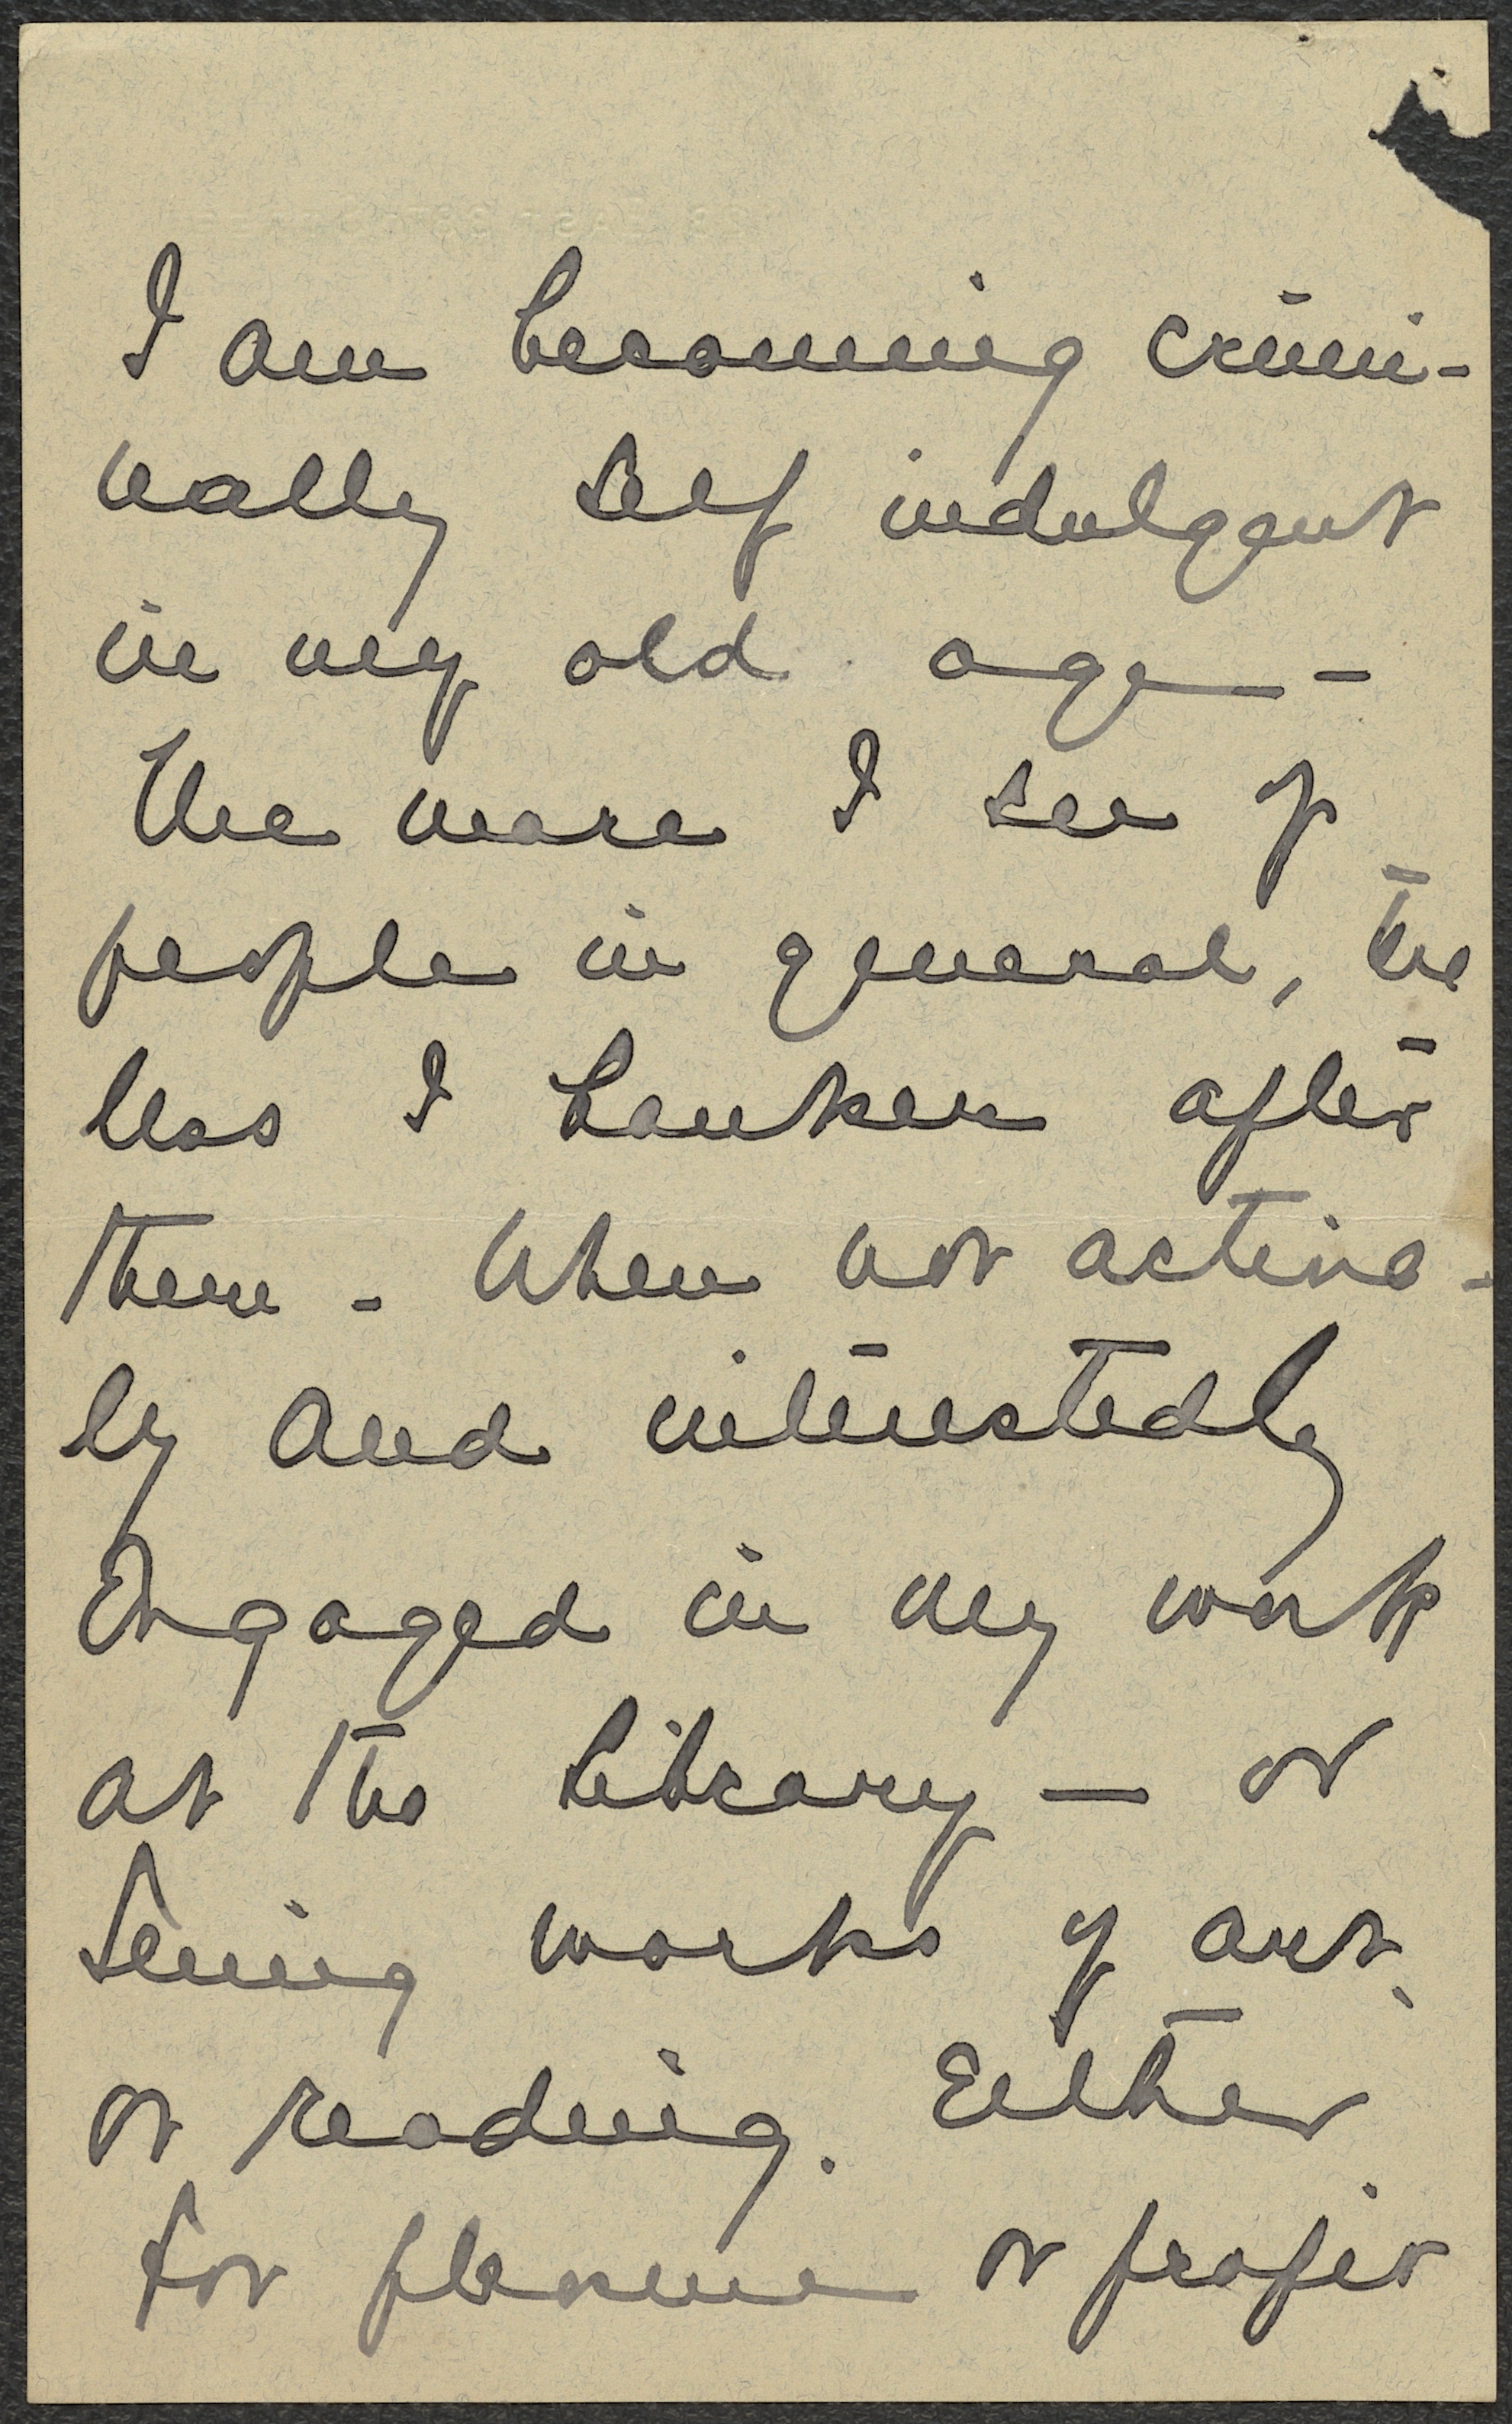I am becoming criminally self indulgent in my old age –
The more I see of people in general, the less I hanker after them – When not actively and interestedly engaged in my work at the Library – or seeing works of art, or reading. Either for pleasure or profit